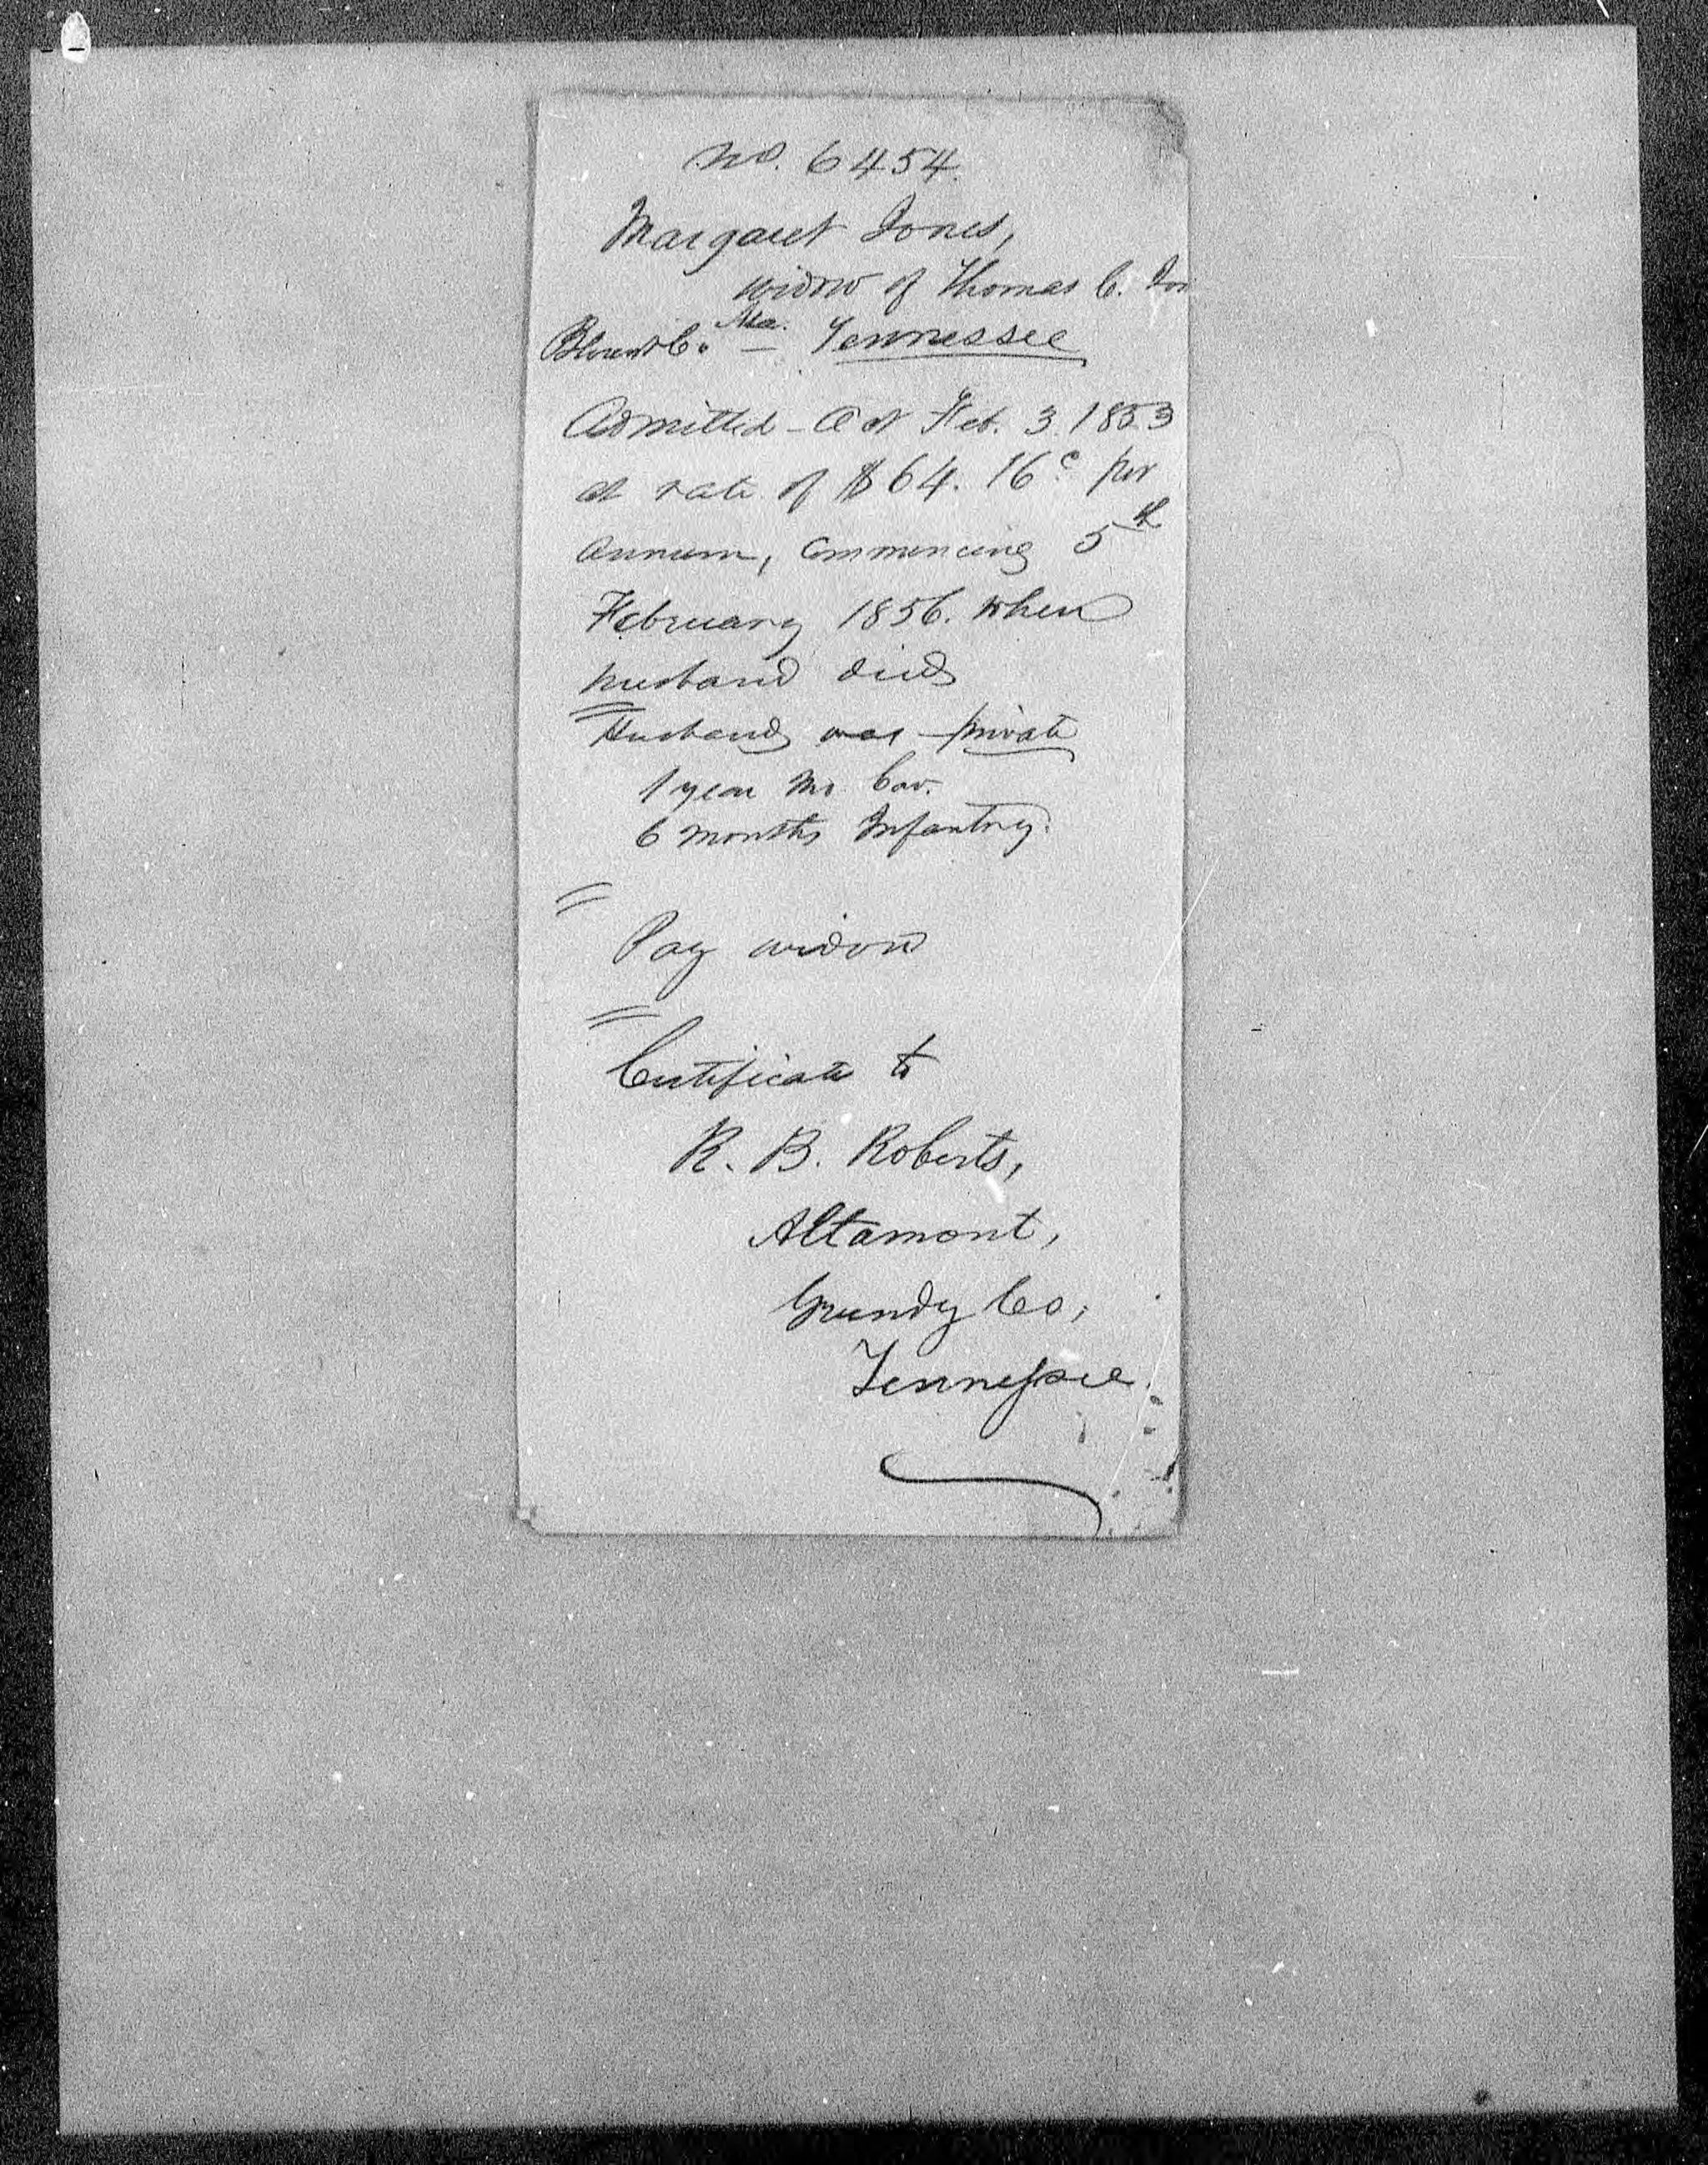No. 6454
Margaret Jones,
widow of Thomas C Jones
Blount Co. Ala - Tennessee
Comitted - Act Feb. 3 1853
at rate of $64.16c per 
annum, commencing 5th
February 1856 when
husband died 
Husband was private
1 year Mo Cav.
6 months Infantry

Pay widow

Certificate to 
R. B. Roberts,
Altamont,
Grundy Co,
Tennessee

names: Thomas C [ILLEGIBLE]; R B Roberts; Margaret Jones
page: 28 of 45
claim: widow's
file: W. 26160, for Thomas C Jones, Georgia